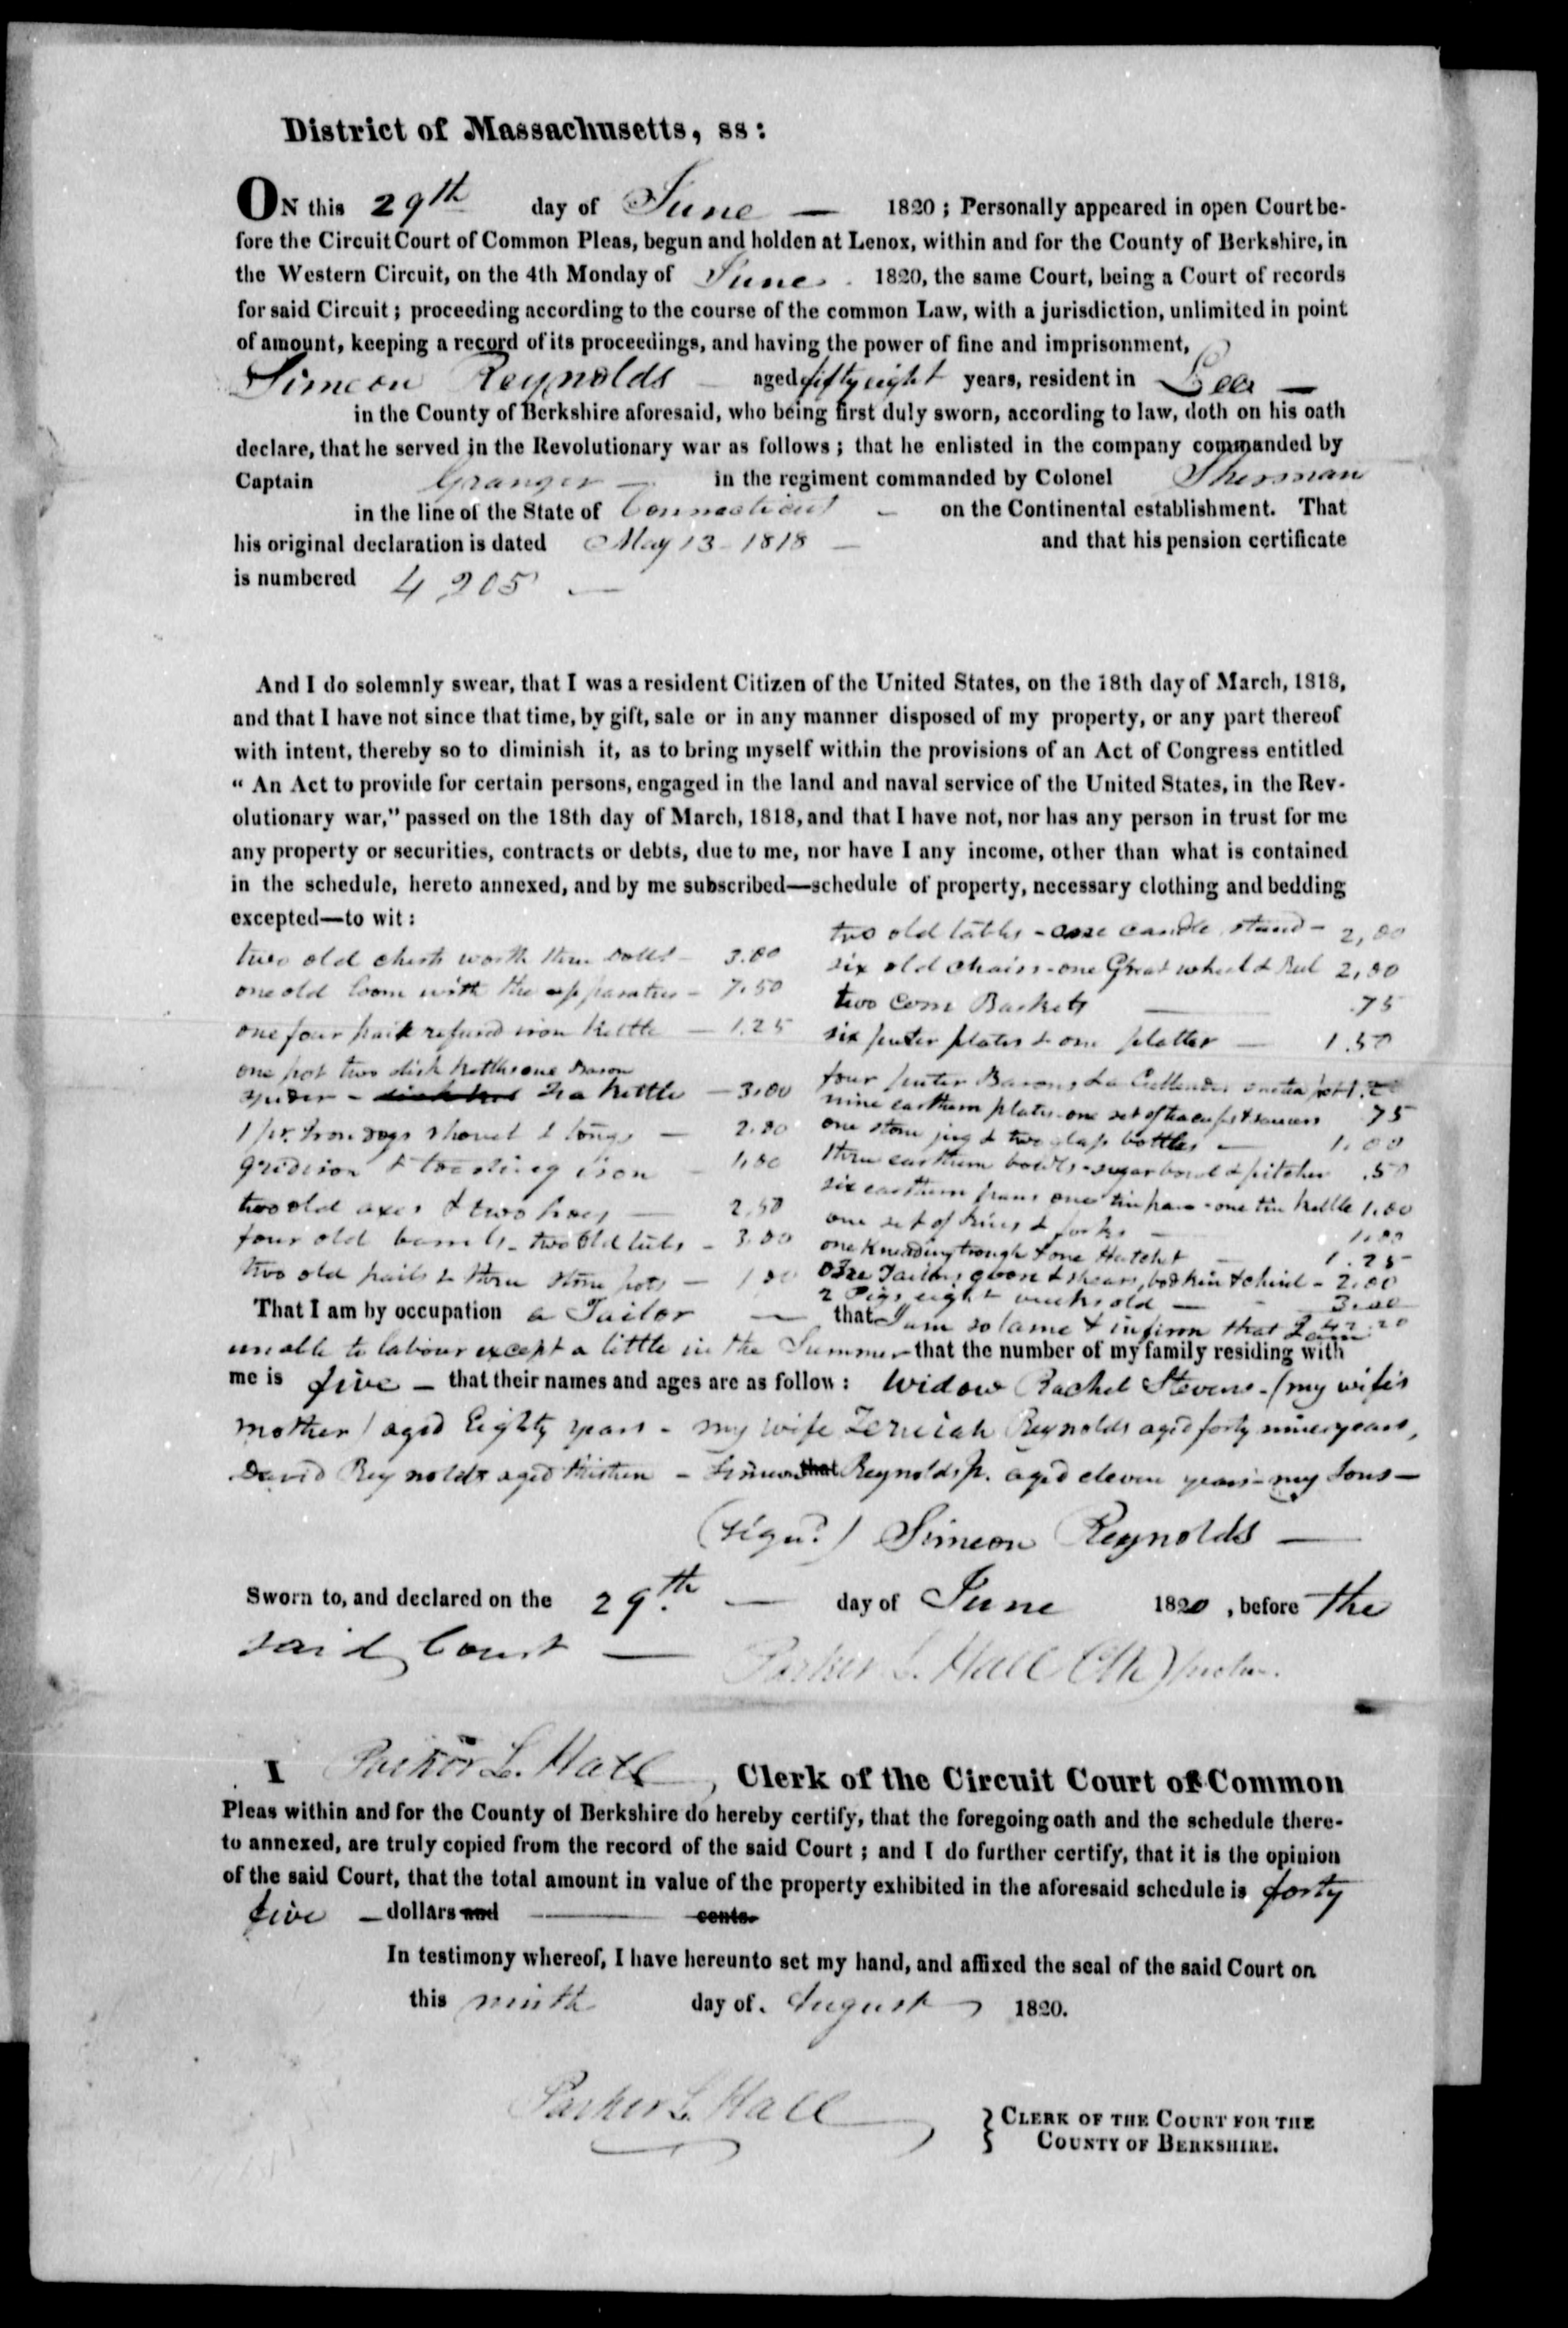District of Massachusetts, ss:
On this 29th day of June 1820; Personally appeared in open Court before the Circuit Court of Common Pleas, begun and holden at Lenox, within and for the County of Berkshire, in the Western Circuit, on the 4th Monday of June, 1820, the same Court being a Court of records for said Circuit; proceeding according to the course of the common Law, with a jurisdiction, unlimited in point of amount, keeping a record of its proceedings, and having the power of fine and imprisonment,
Simeon Reynolds aged fifty eight years, resident in Lee in the County of Berkshire aforesaid, who being first duly sworn, according to law, doth on his oath declare, that he served in the Revolutionary war as follows; that he enlisted in the company commanded by Captain Granger in the regiment commanded by Colonel Sherman in the line of the State of Connecticut on the Continental establishment. That his original declaration is dated May 3, 1818 and that his pension certificate is numbered 4205.

And I do solemnly swear, that I was a resident Citizen of the United States, on the 18th day of March, 1818, and that I have not since that time, by gift, sale or in any manner disposed of my property, or any part thereof with intent thereby so to diminish it, as to bring myself within the provisions of an Act of Congress entitled "An Act to provide for certain persons, engaged in the land and naval service of the United States, in the Revolutionary war,” passed on the 18th day of March, 1818, and that I have not, nor has any person in trust for me any property or securities, contracts or debts, due to me, nor have I any income, other than what is contained in the schedule, hereto annexed, and by me subscribed - schedule of property, necessary clothing and bedding
excepted - to wit:

two old chests worth three dollars - 3.00
two old tables - one candle stand 2.00
one old loom with the apparatus - 7.50
six old chains, one great wheel & [?] 2.00
one four paid refund iron kettle - 1.25
two corn Baskets - .75
one pot two dish kettle one Mason [illegible] in a kettle - 3.00
six pewter plates & one platter- 1.50
1 pr iron [illegible] shovel 1 tongs - 2.00
four [illegible] - 1.25
nine earthen plates one set of tea cups & saucers - .75
Gridiron & tooling iron - 1.00
one stone jug & two glass bottles - 1.00
three earthen bowls - sugar bowl & pitcher .50
six earthen [illegible] one tin [illegible] one tin kettle 1.00
two old axes & two hoes - 2.50
one set of knives & forks - 1.00
four old [illegible] two old links - 3.00
one kneading trough & one hatchet - 1.25
two old pails & three [illegible] pots - 1.00
[illegible] Tailors [illegible] & sears, bodkin & chisel - 2.00
2 Pigs, eight weeks old - 3.00
                                       ______
                                       47.20

That I am by occupation a Tailor that I am so lame & infirm that unable to labour except a little in the Summer that the number of my family residing with me is five that their names and ages are as follow: Widow Rachel Stevens, my wife's mother aged Eighty years - my wife Zerniah Reynolds aged forty nine years, 
David Reynolds aged thirteen - Simeon Reynolds Jr. aged eleven years - my Sons
(Signd) Simeon Reynolds -
Sworn to and declared on the 29th day of June
1820, before the said Court - Parker L. Hall Clk [illegible]

I Parker L. Hall, Clerk of the Circuit Court of Common Pleas within and for the County of Berkshire do hereby certify, that the foregoing oath and the schedule thereto annexed, are truly copied from the record of the said Court; and I do further certify, that it is the opinion
of the said Court, that the total amount in value of the property exhibited in the aforesaid schedule is forty five dollars [strike through] and -cents [end strike through]

In testimony whereof, I have hereunto set my hand, and affixed the seal of the said Court on
this ninth day of August 1820.

Parker L Hall CLERK OF THE COURT FOR THE COUNTY OF BERKSHIRE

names: [BLANK] Granger; [BLANK] Sherman; David Reynolds; Simeon Reynolds; Parker L Hall; Parker L Hall; Parker L Hall; Simeon Reynolds; Simeon Reynolds; Rachel Stevens; Zeruiah Reynolds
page: 7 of 20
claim: survivor's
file: S. 41,094, for Simeon Reynolds, Connecticut